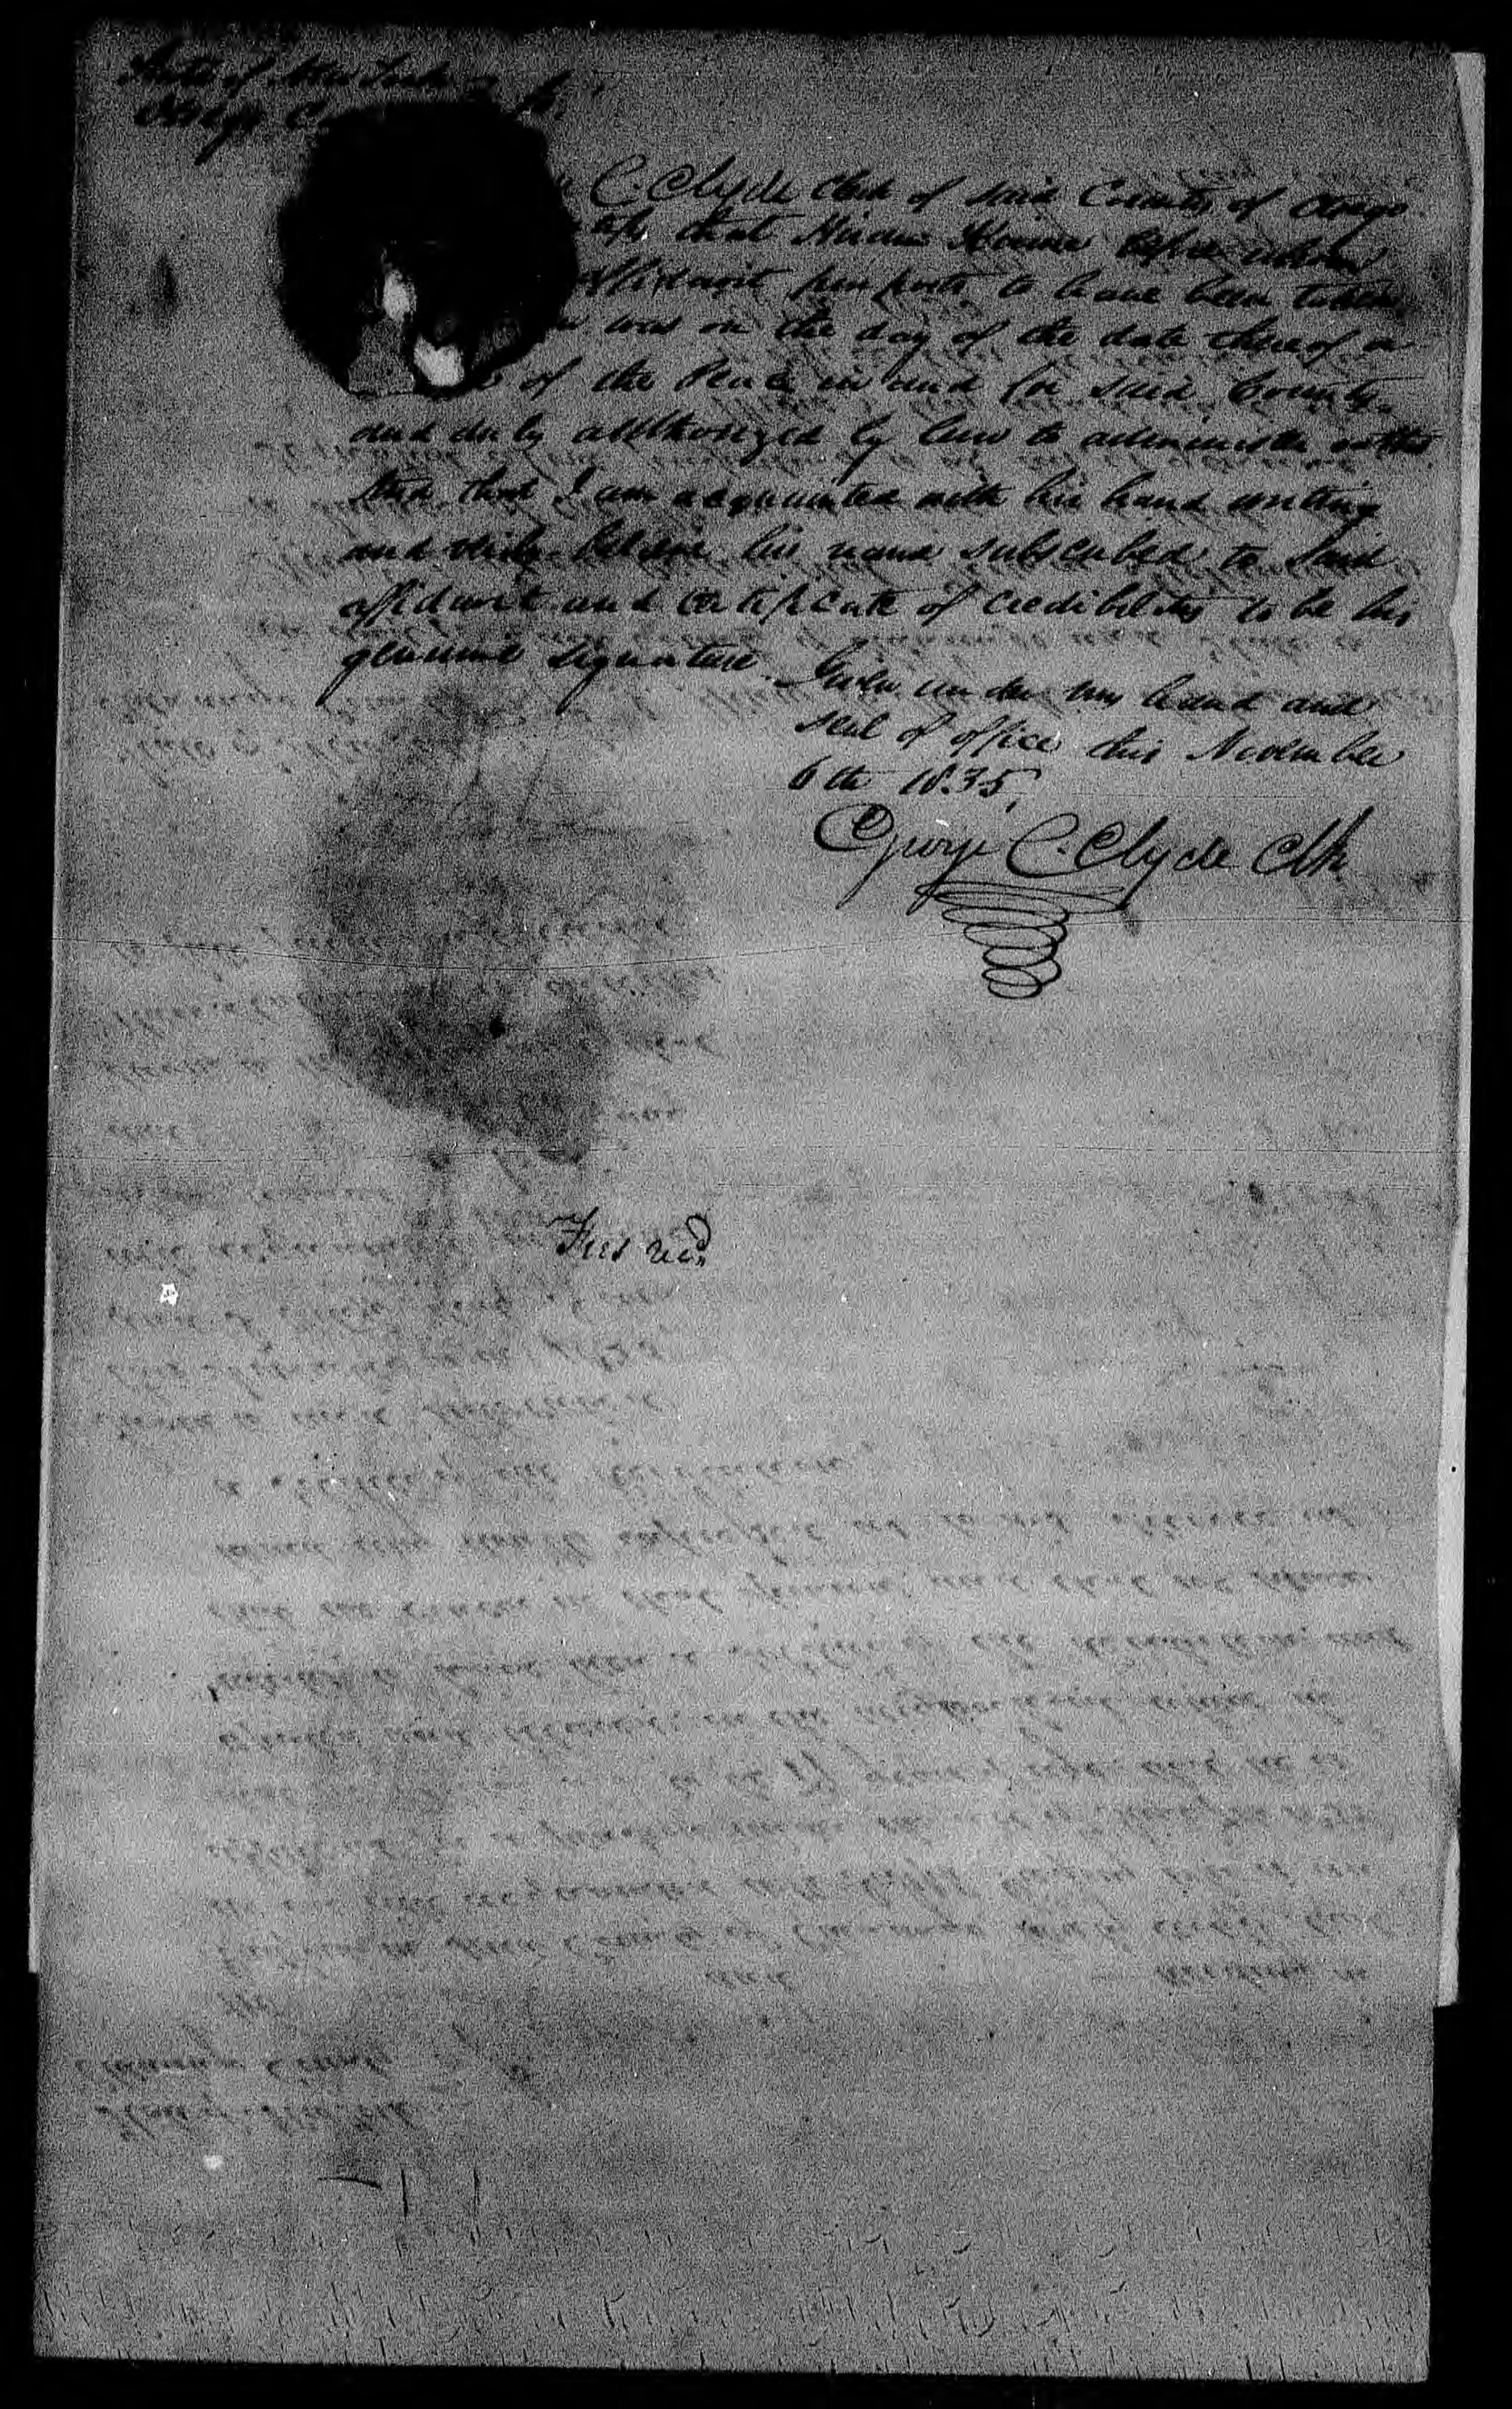[handwritten]

State of New York
Otsego C [large stain] SS

[stain] C. Clyde of said County of Otsego in
[stain] that Hiram Kinne before whom 
[stain] affidavit purports to have been taken
[stain] was on the day of the date thereof a
[stain] of the Peace in and for said County
and duly authorized by law to administer oaths
And that I am acquainted with his hand writing and verily believe his name subscribed to said
affidavit and certificate of credibility to be his genuine signature
Given under my hand and
seal of office this November
6th 1835
[signed] George C. Clyde Clk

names: George C Clyde, George C Clyde, Hiram Kinne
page: 34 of 34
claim: widow's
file: W. 1596, Joseph Gregory, Conn.